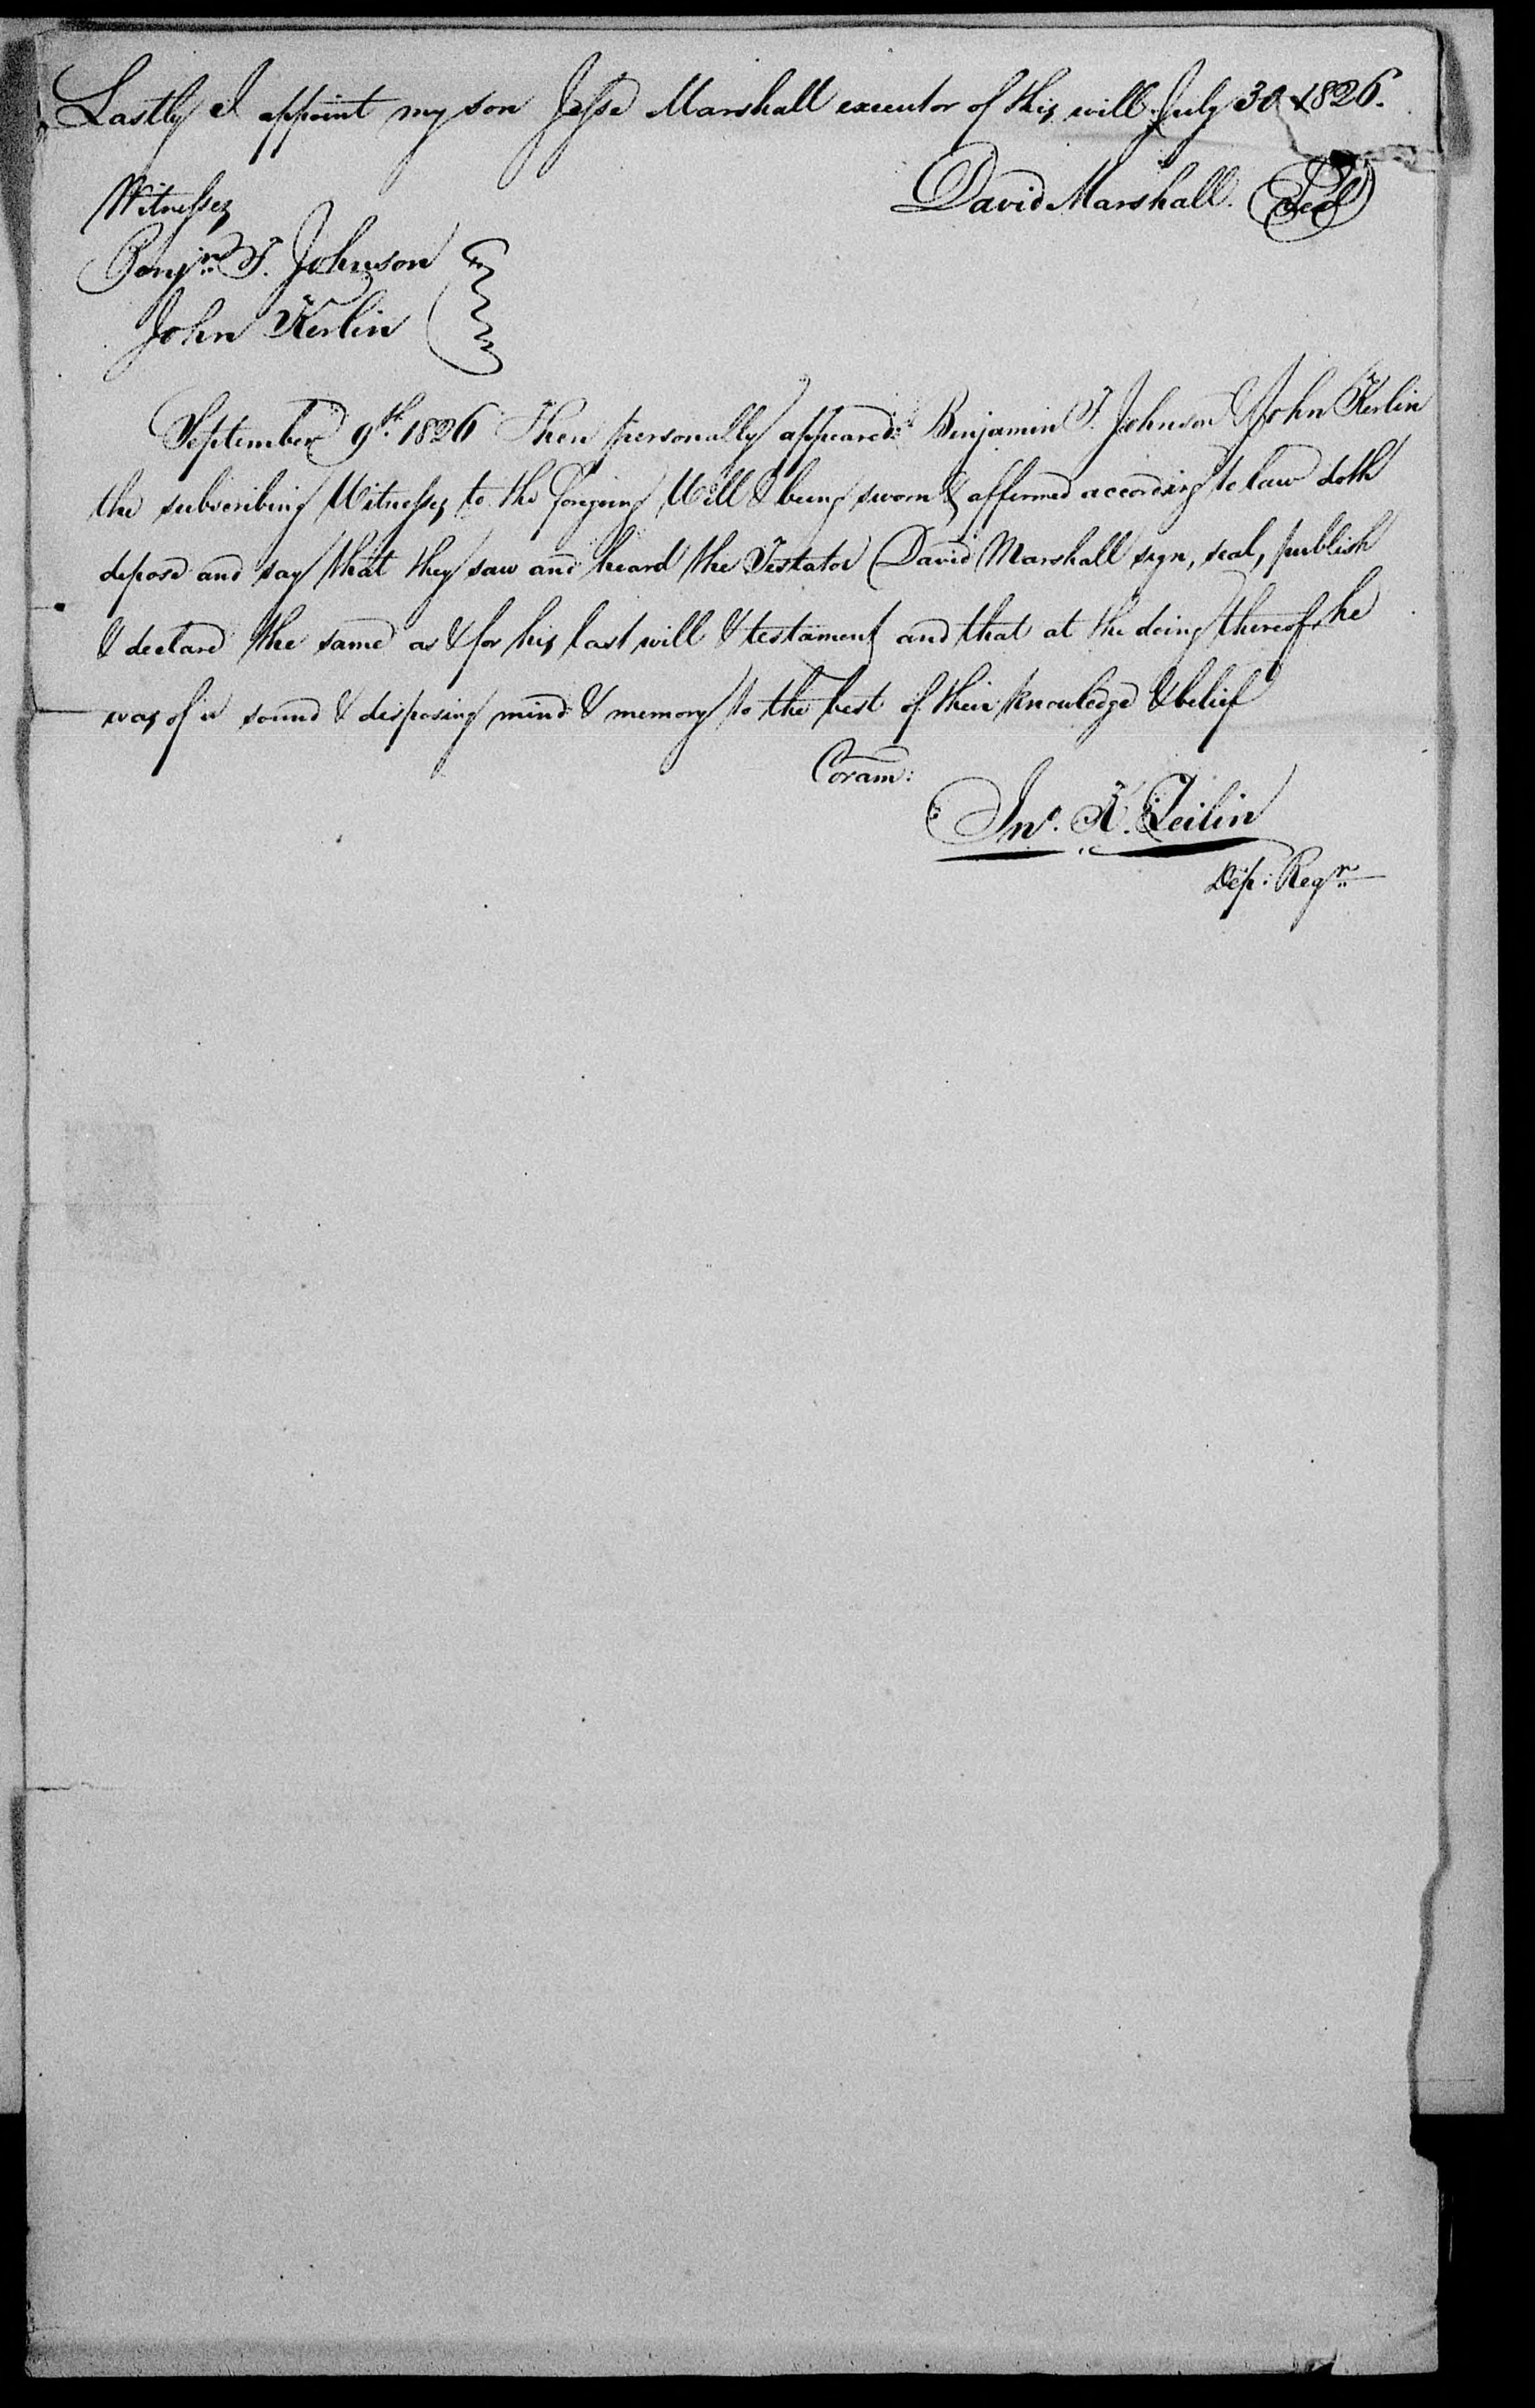Lastly I appoint my son Jefse Marshall executor of this will July 30 1826. David Marshall. 
Witnefses
Benjn H. Johnson
John Kerlin
September 9th 1826 Here personally appeared Benjamin H Johnson John Kerlin the subscribing Witnefses to the foregoing Will & being sworn & affirmed according to law doth depose and say that they saw and heard the Testator David Marshall sign, seal, publish & declare the same as & for his last will & testament and that at the doing thereof he was of in sound & disposing mind & memory to the best of their knowledge & belief
Coram:
In. K. Leilin [underlined]
Dep Regr.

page: 12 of 86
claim: widow's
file: W. 3571, for David Marshall, Pennsylvania